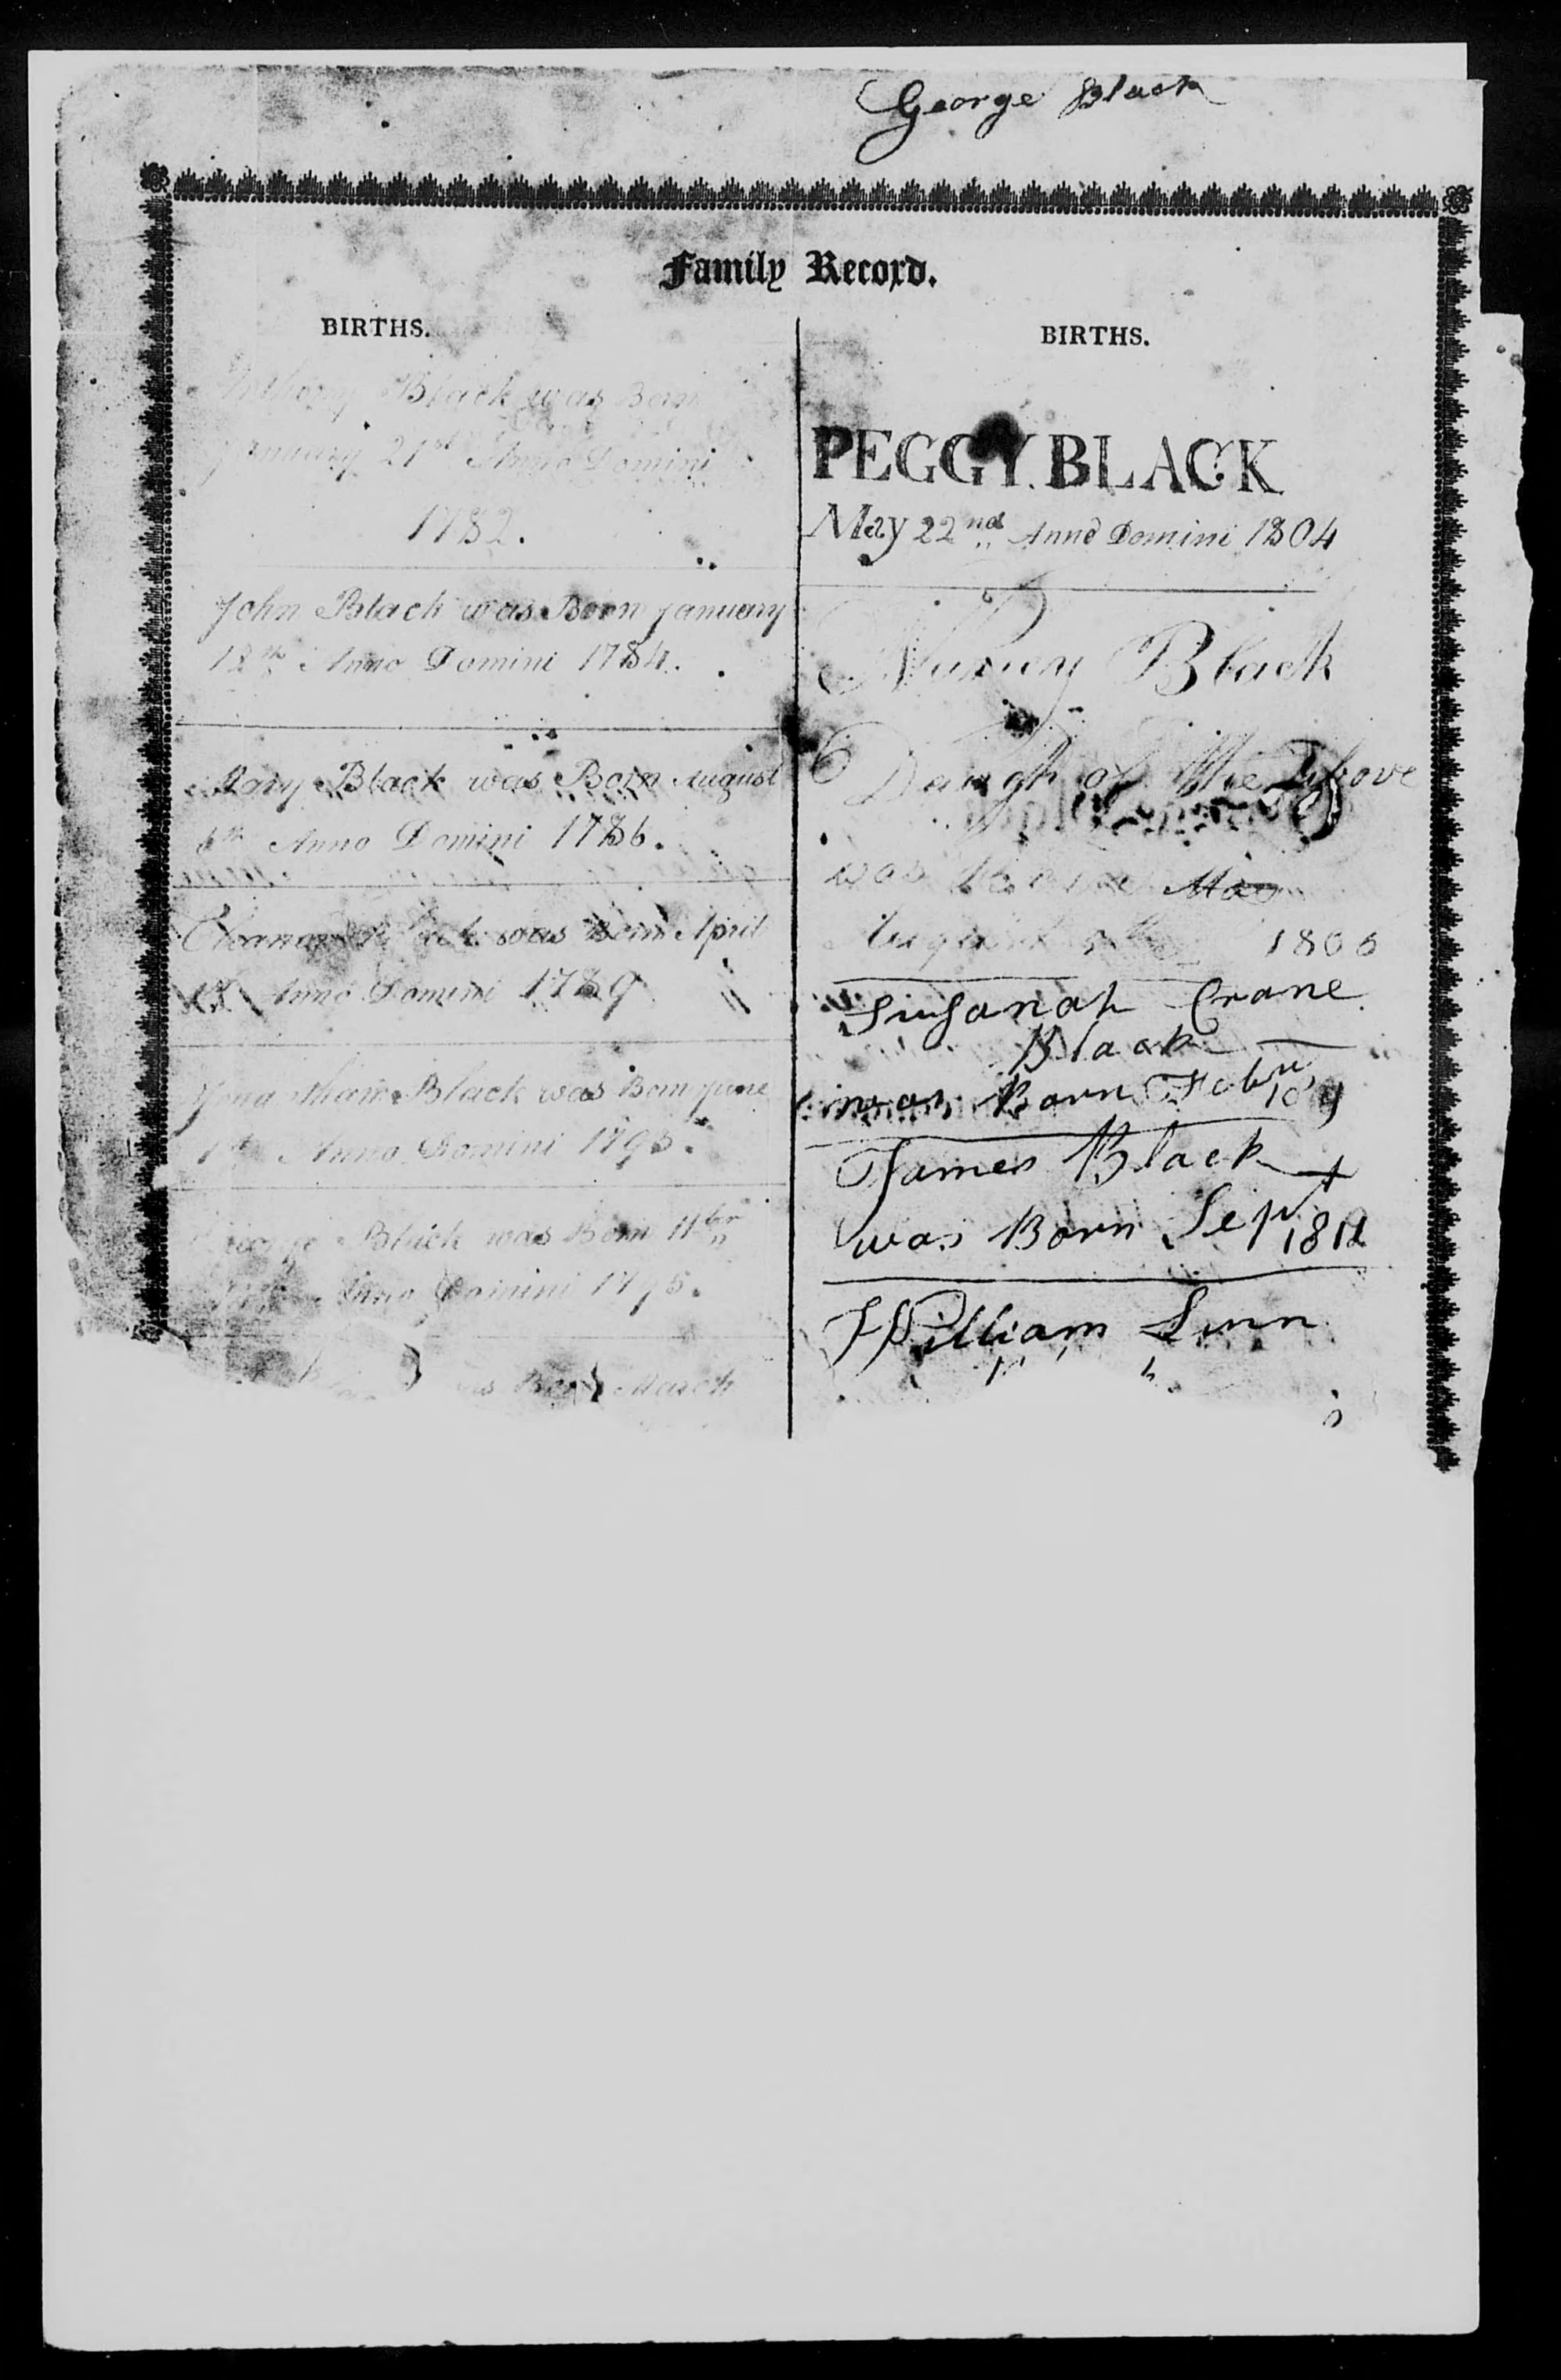Georgse Black

Family Record.
BIRTHS.

Anthony Black was Born January 21st Anno Domini 
1782.

John Black was Born January 18th Anno Donimi 1784.

Mary Black was Born August 6th Anno Domini 1786.

Eleanor Black was Born April [illegible] Anno Domini 1789.

Jonathan Black was Born June [illegible] Anno Domini 1795.

George Black was Born [illegible]
[illegible] Anno Domini 1795.

[bottom line illegible]

BIRTHS.

PEGGY BLACK
May 22nd Anno Domini 1804.

Nancy Black
Daughter of the above was born [crossed out]
August [illegible] 1805

Susannah Crane Black
was born Febr, 10'4

James Black
was Born Sept 1811

[illegible] William Linn
[torn]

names: Mary Black, Eleanor Black, George Black, Black, James Black, Nancy Black, Mary Black, George Black, William Linn, John Black, Mae Pessove, Susanah Crane, Peggy Black, Sharre Black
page: 15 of 30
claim: widow's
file: W. 3211, George Black, Penn.